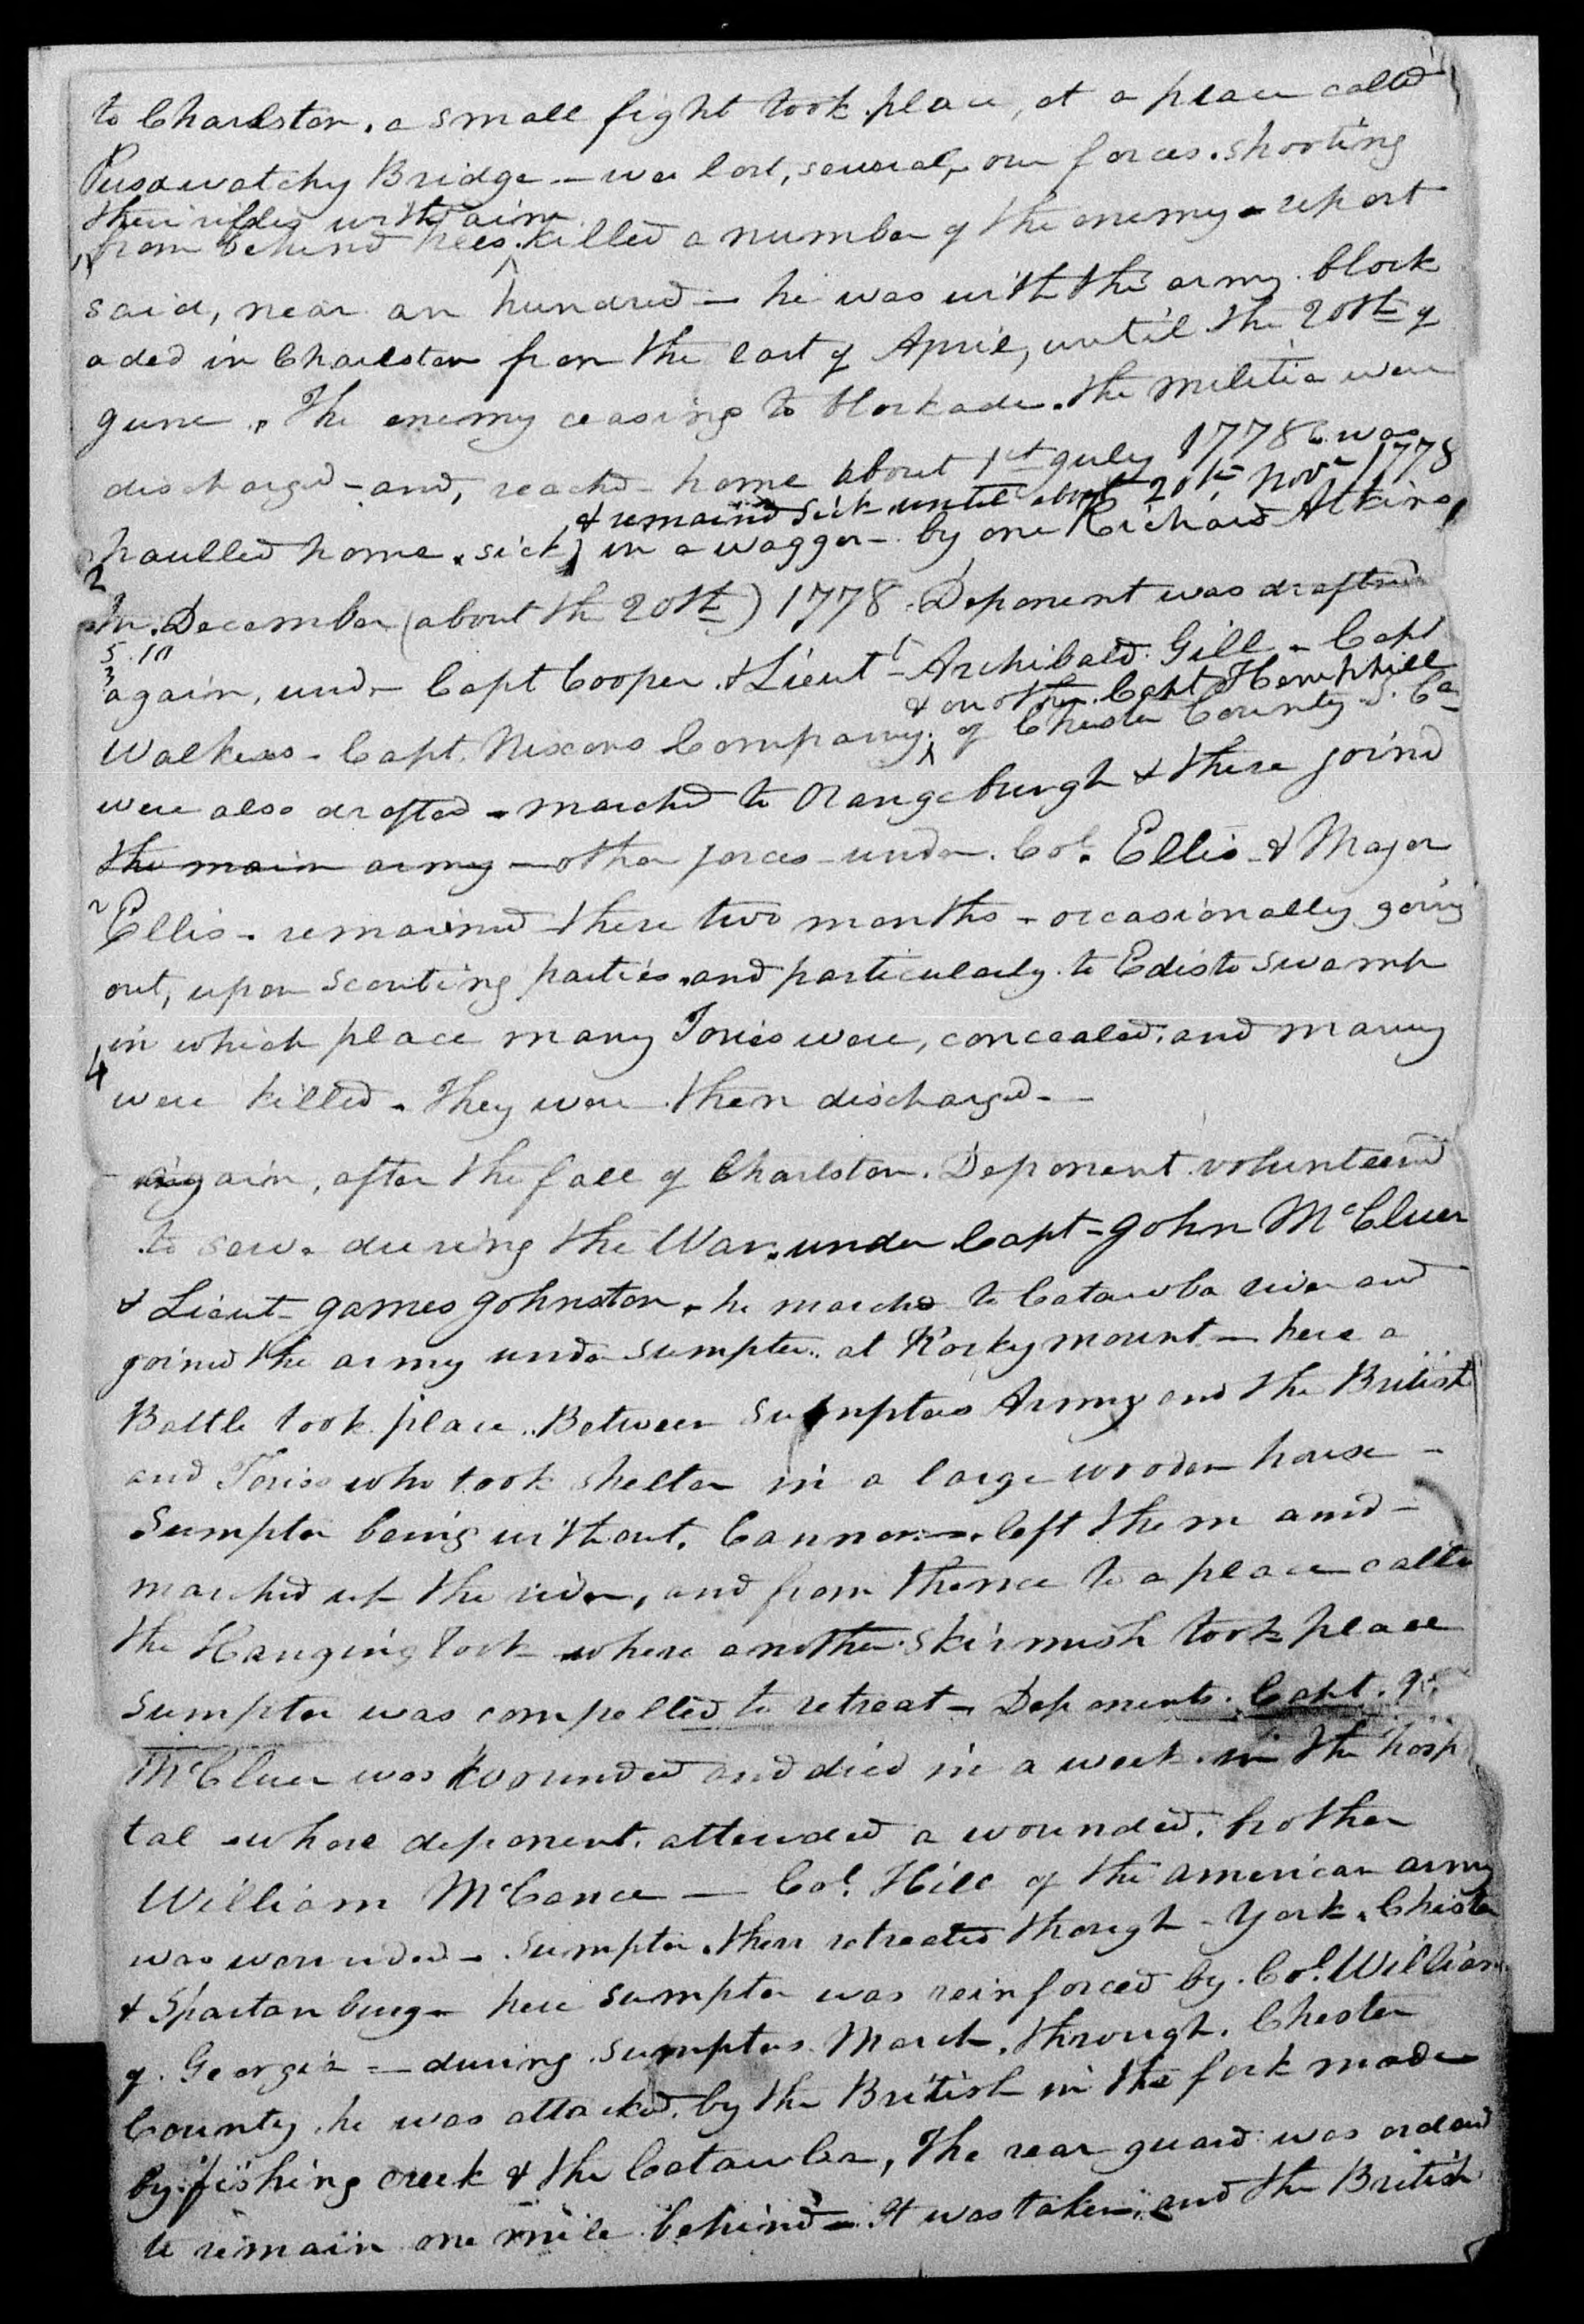to Charleston, a small fight took place, at a place called
Pusawatchy Bridge - we lost, several of our forces shooting
their rifles with aim from behind [illegible] killed a number of the enemy - report
said, near an hundred-- he was with the army blockaded
in Charlston from the last of April, until the 20th of
June. The enemy ceasing to blockade,Tthe militia were
discharged - and reached home about 1st July 1778 was
haulled homesick & remained sick until about 20th Nov in a waggon by one Richard Atkins.
2
In December (about the 20th) 1778 deponent was drafted
5.10
3
again, under Capt Cooper & Lieut Archibald Gill & Capt
Walker - Capt. Nixons Company & on then Capt Hemphill of Chester County DS. Ca.
were also drafted - marched to Orangeburgh & there joind
["the main army" crossed out] - other forces under Col Ellis & Major
Ellis - remained there two months, occasionally going
out, upon scouting parties and particularly to Edisto Swamp
in which place many Tories were, concealed, and many
4
were killed. They were then discharged
again, after the fall of Charlston. Deponent volunteered
to serve during the War under Capt John McCluer
& Lieut James Johnston, he marched to Catawba river and
joined the army under Sumpter at Rocky Mount - here a
Battle took place Between Sumpters Army and the British
and Tories who took shelter in a large wooden house-
Sumpton being without Cannons left the in and
marched up the river, and from thence to a place called
the Hanging Rock where another skirmish took place
Sumpter was compelled to retreat. Deponents Capt J
McCluer was wounded and died in a week in the hospital
where deponent, attended a wounded brother
William McCance- Col Hill of the American army
was wounded-- Sumpter. then retreated through York, Chester
& Spartanburg - here Sumpter was reinforced by Col William
of Georgia-  during Sumpters March, through, Chester
County, he was attacked by the British in the fort made
by fishing creek & the Catawba, the rear guard was ordered
to remain one mile behind - It was taken, and the British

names: John Mc Cluer; [BLANK] Walker; [BLANK] Williams; Richard Atkins; [BLANK] Hill; [BLANK] Cooper; [BLANK] Hamphill; [BLANK] Ellis; Archibald Gill; James Johnston; William Mc Cance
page: 6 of 13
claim: survivor's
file: S. 16464, for David Mc Cance, South Carolina